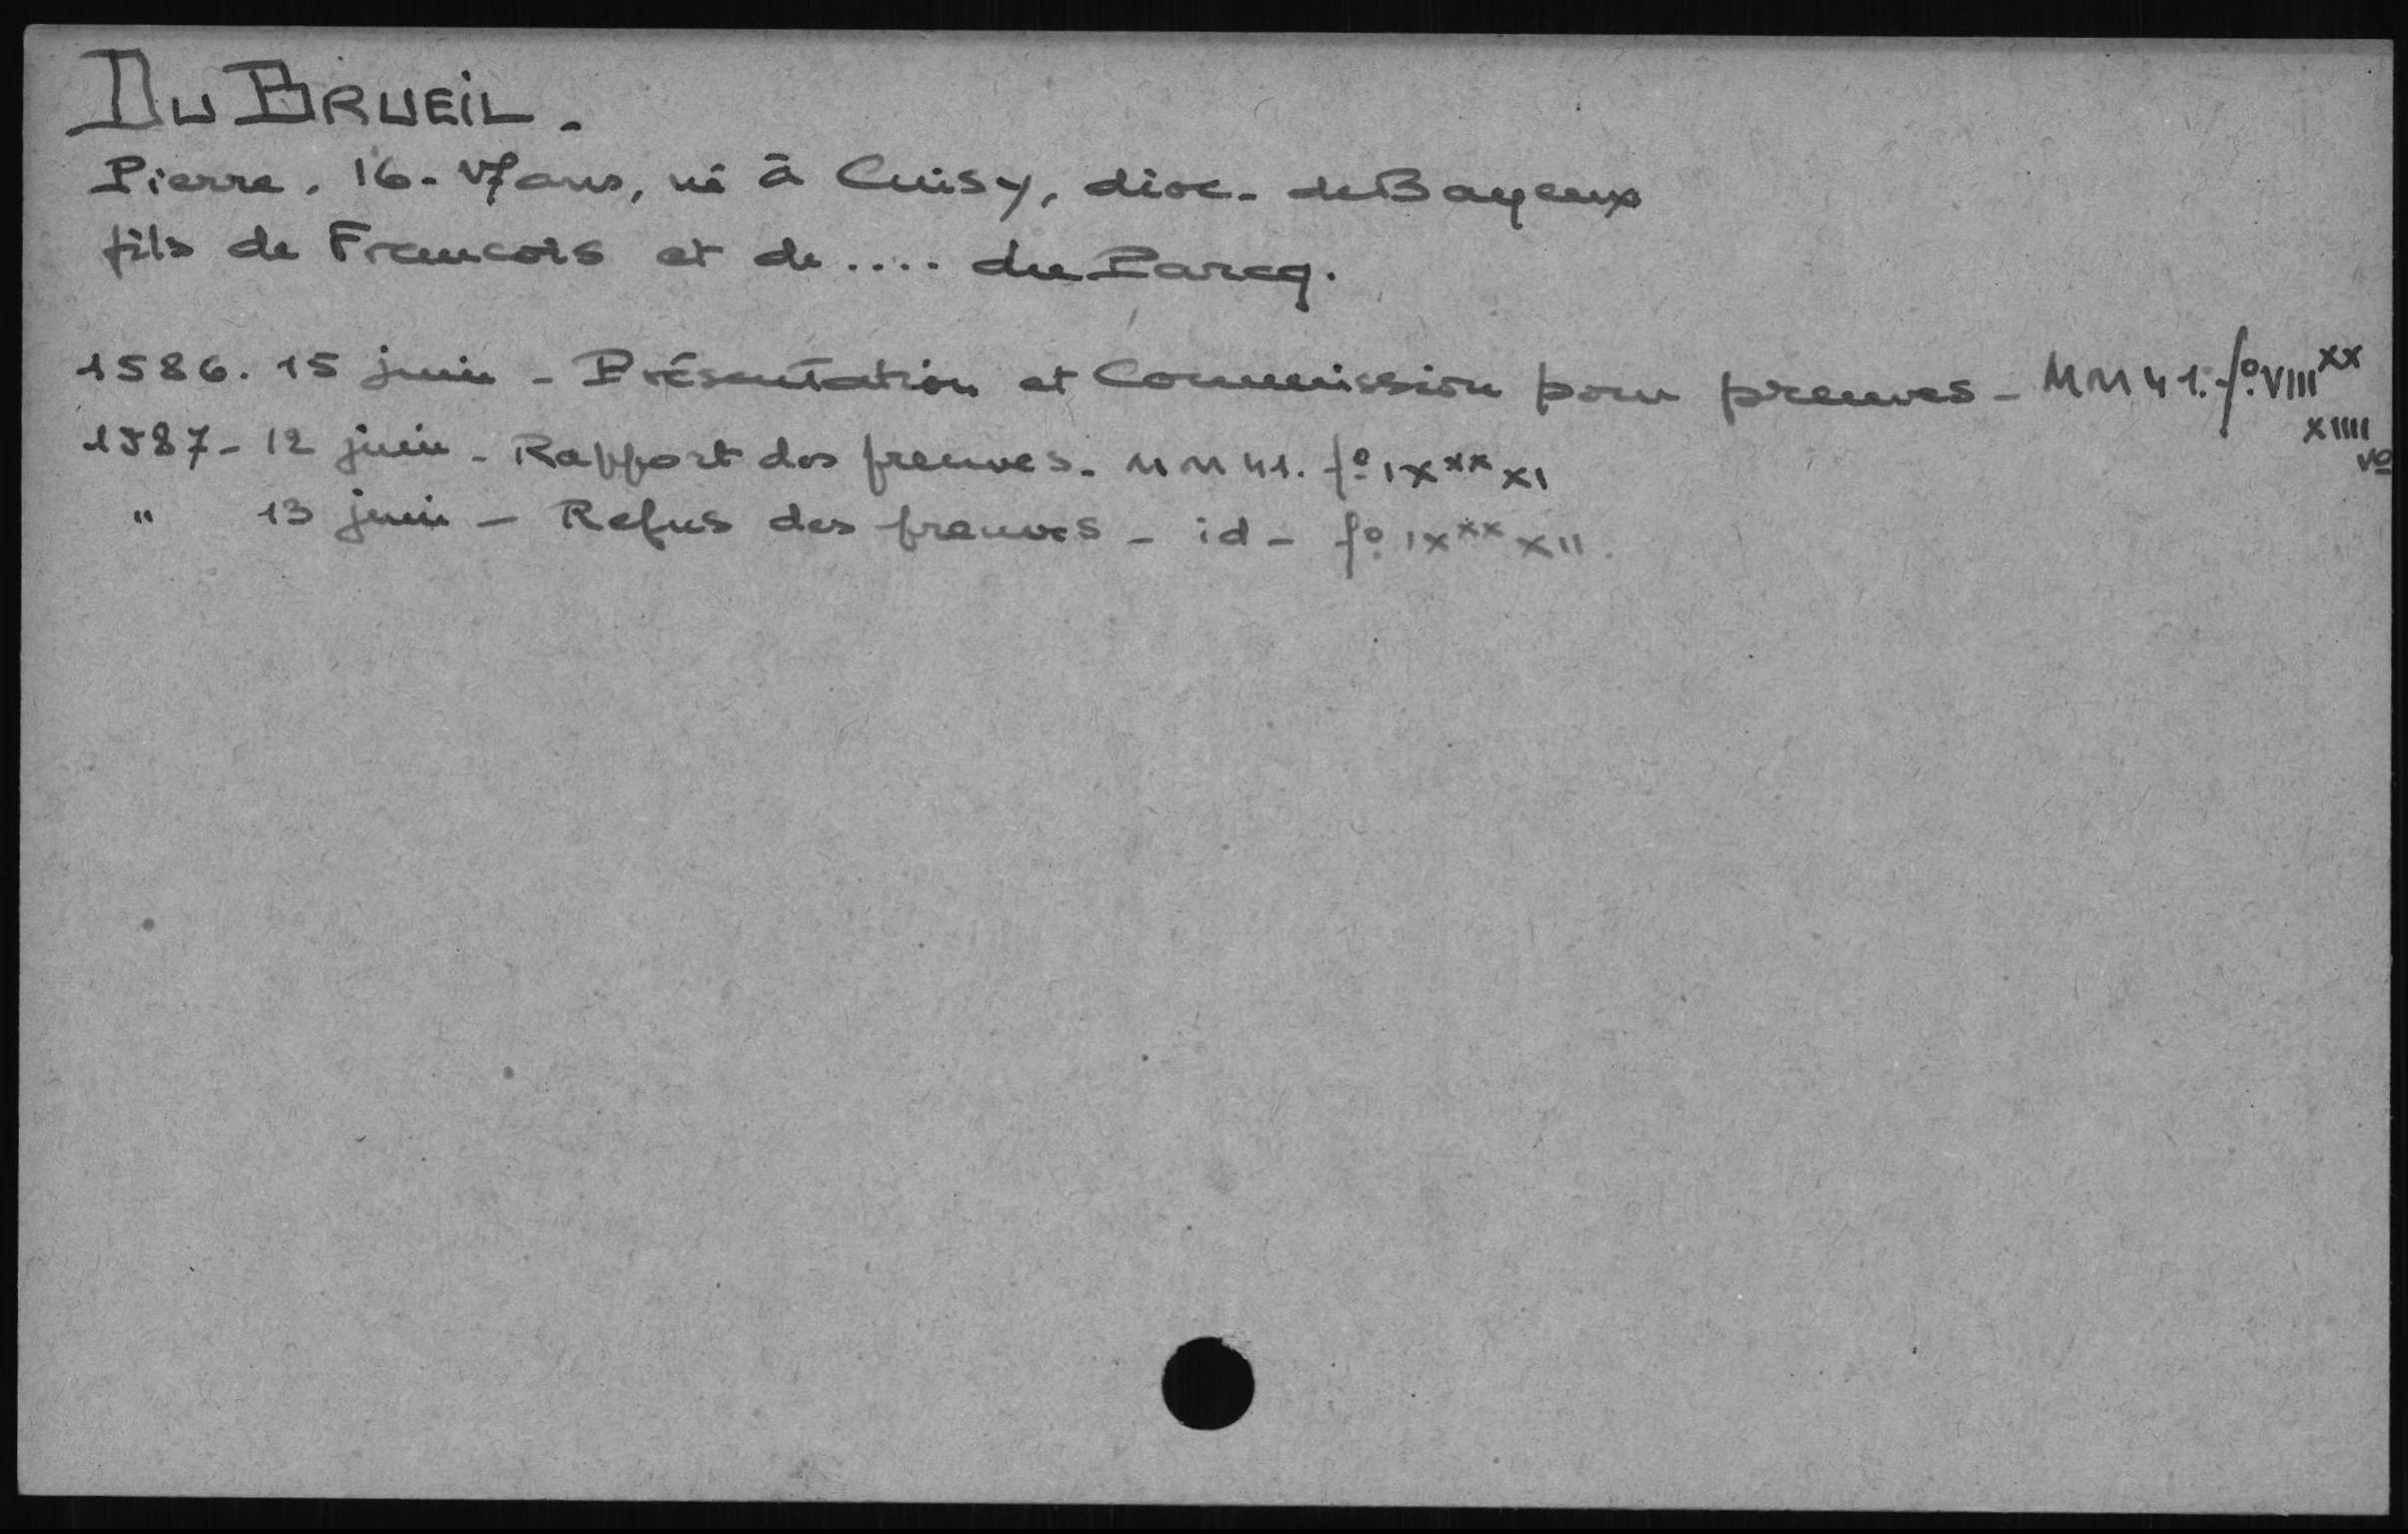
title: DU BRUEIL Pierre, 16-17 ans, né à Cuisy, diocèse de Bayeux fils de François et de ... du Parcq
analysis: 1586, 15 juin. Présentation et commission pour preuves. MM 41, fol. VIIIXX XIIIIv 1587, 12 juin. Rapport des preuves. MM 41, fol. IXXX XI " 13 juin. Refus des preuves - id - fol. IXXX XII
